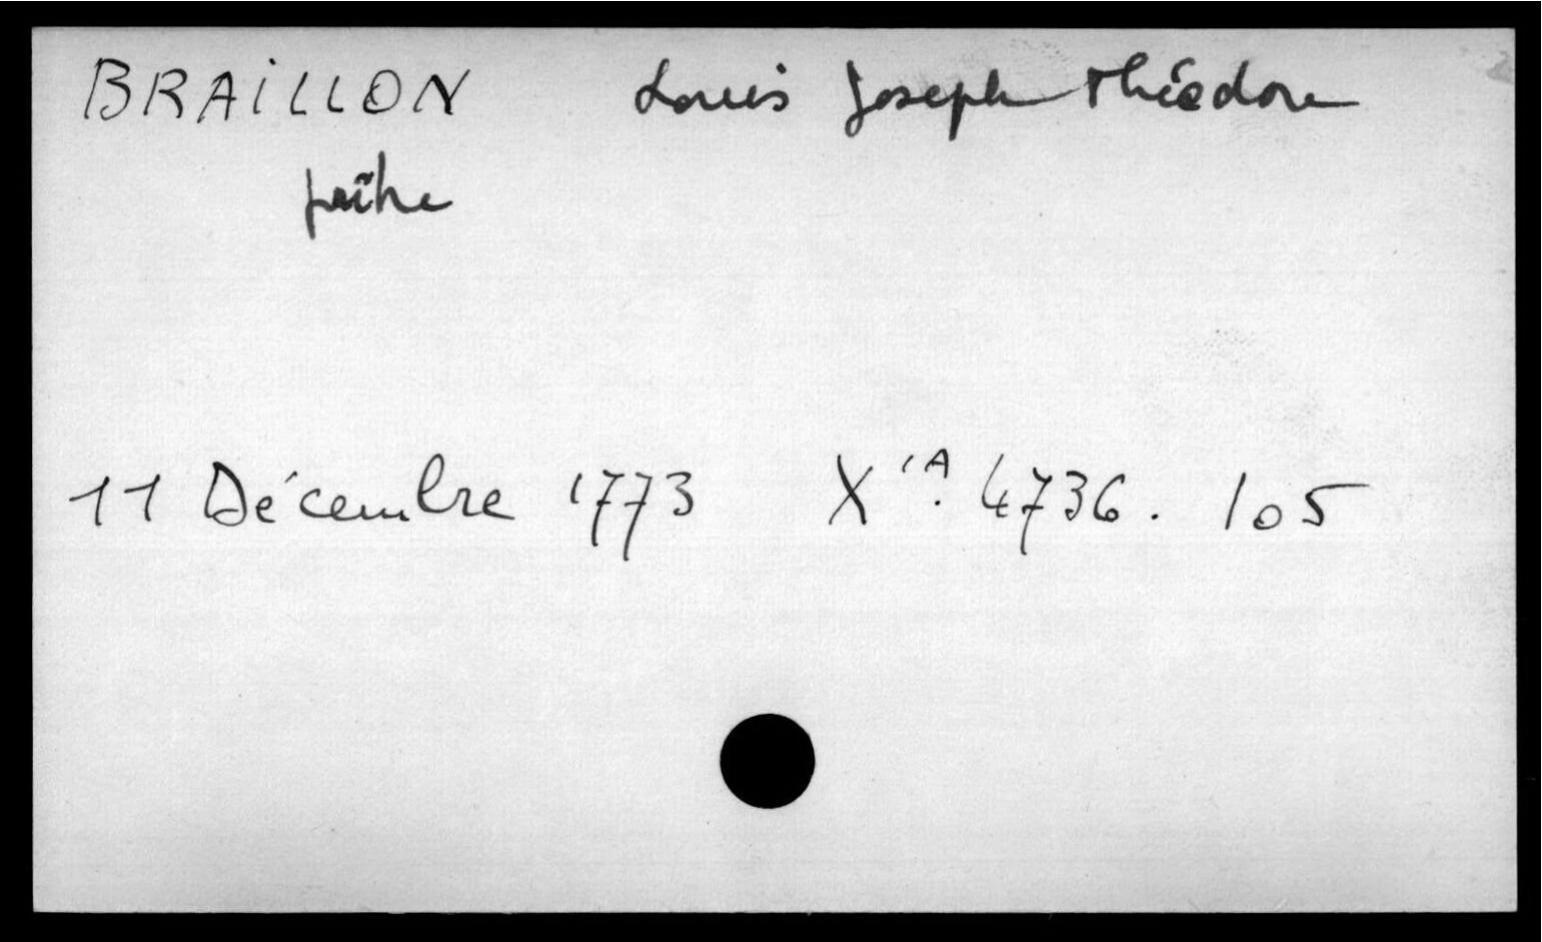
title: BRAILLON Louis Joseph Théodore prêtre
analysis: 11 décembre 1773
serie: X1A
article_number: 4736
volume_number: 105
